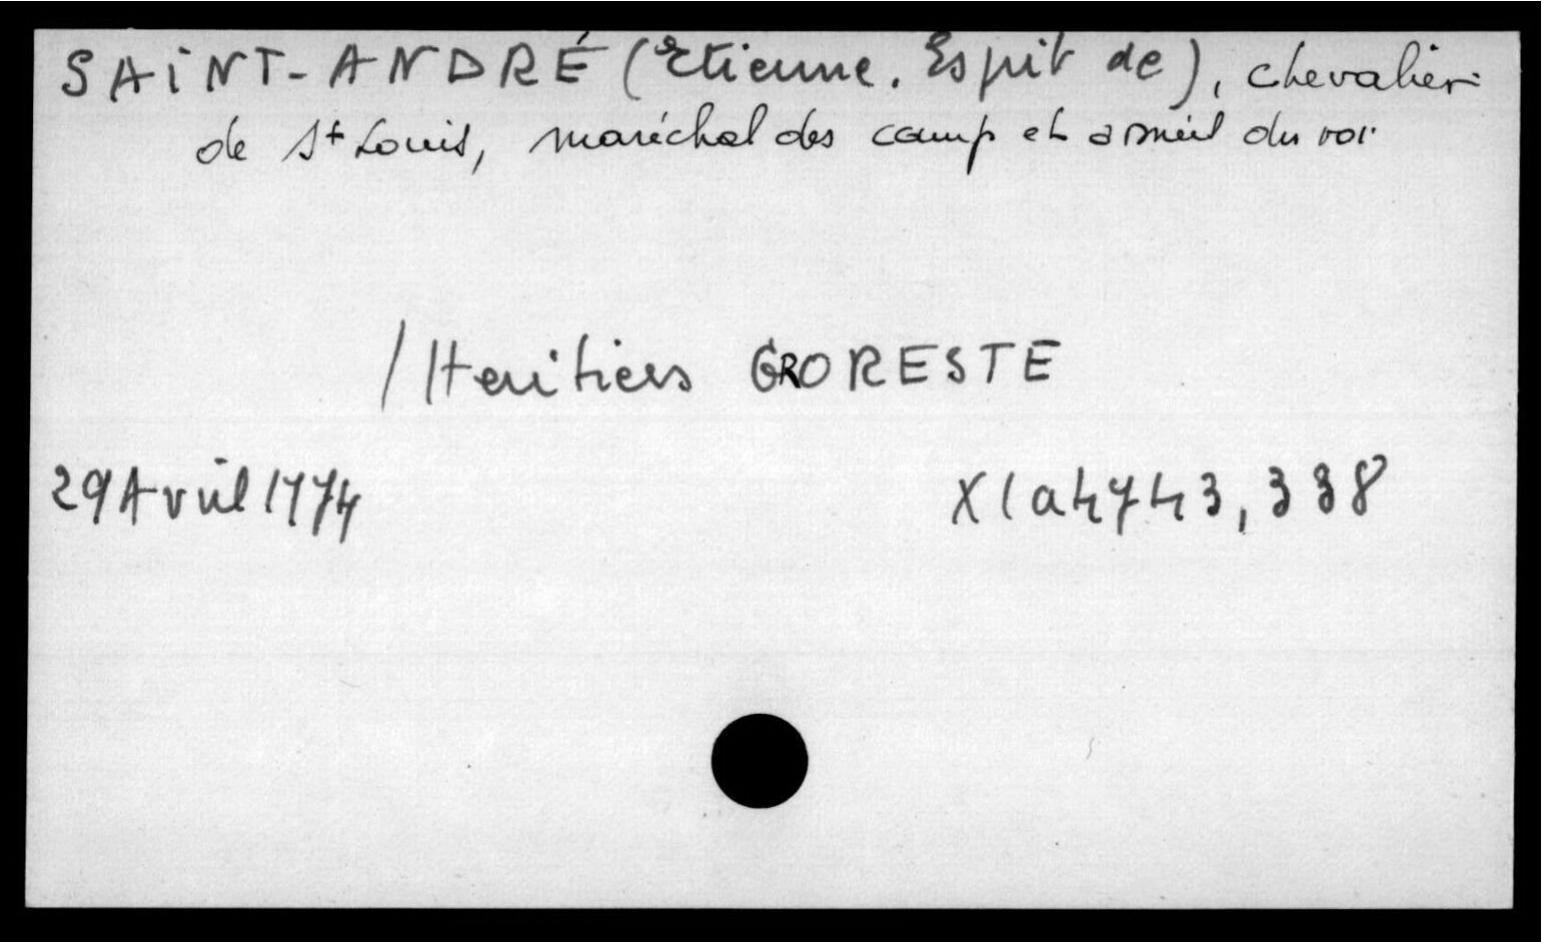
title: SAINT-ANDRÉ (Etienne, Esprit de), chevalier de Saint-Louis, maréchal des camp et amiral du roi
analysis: Contre Héritiers GRORESTE
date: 29 avril 1774
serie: X1a
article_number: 4743
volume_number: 338
